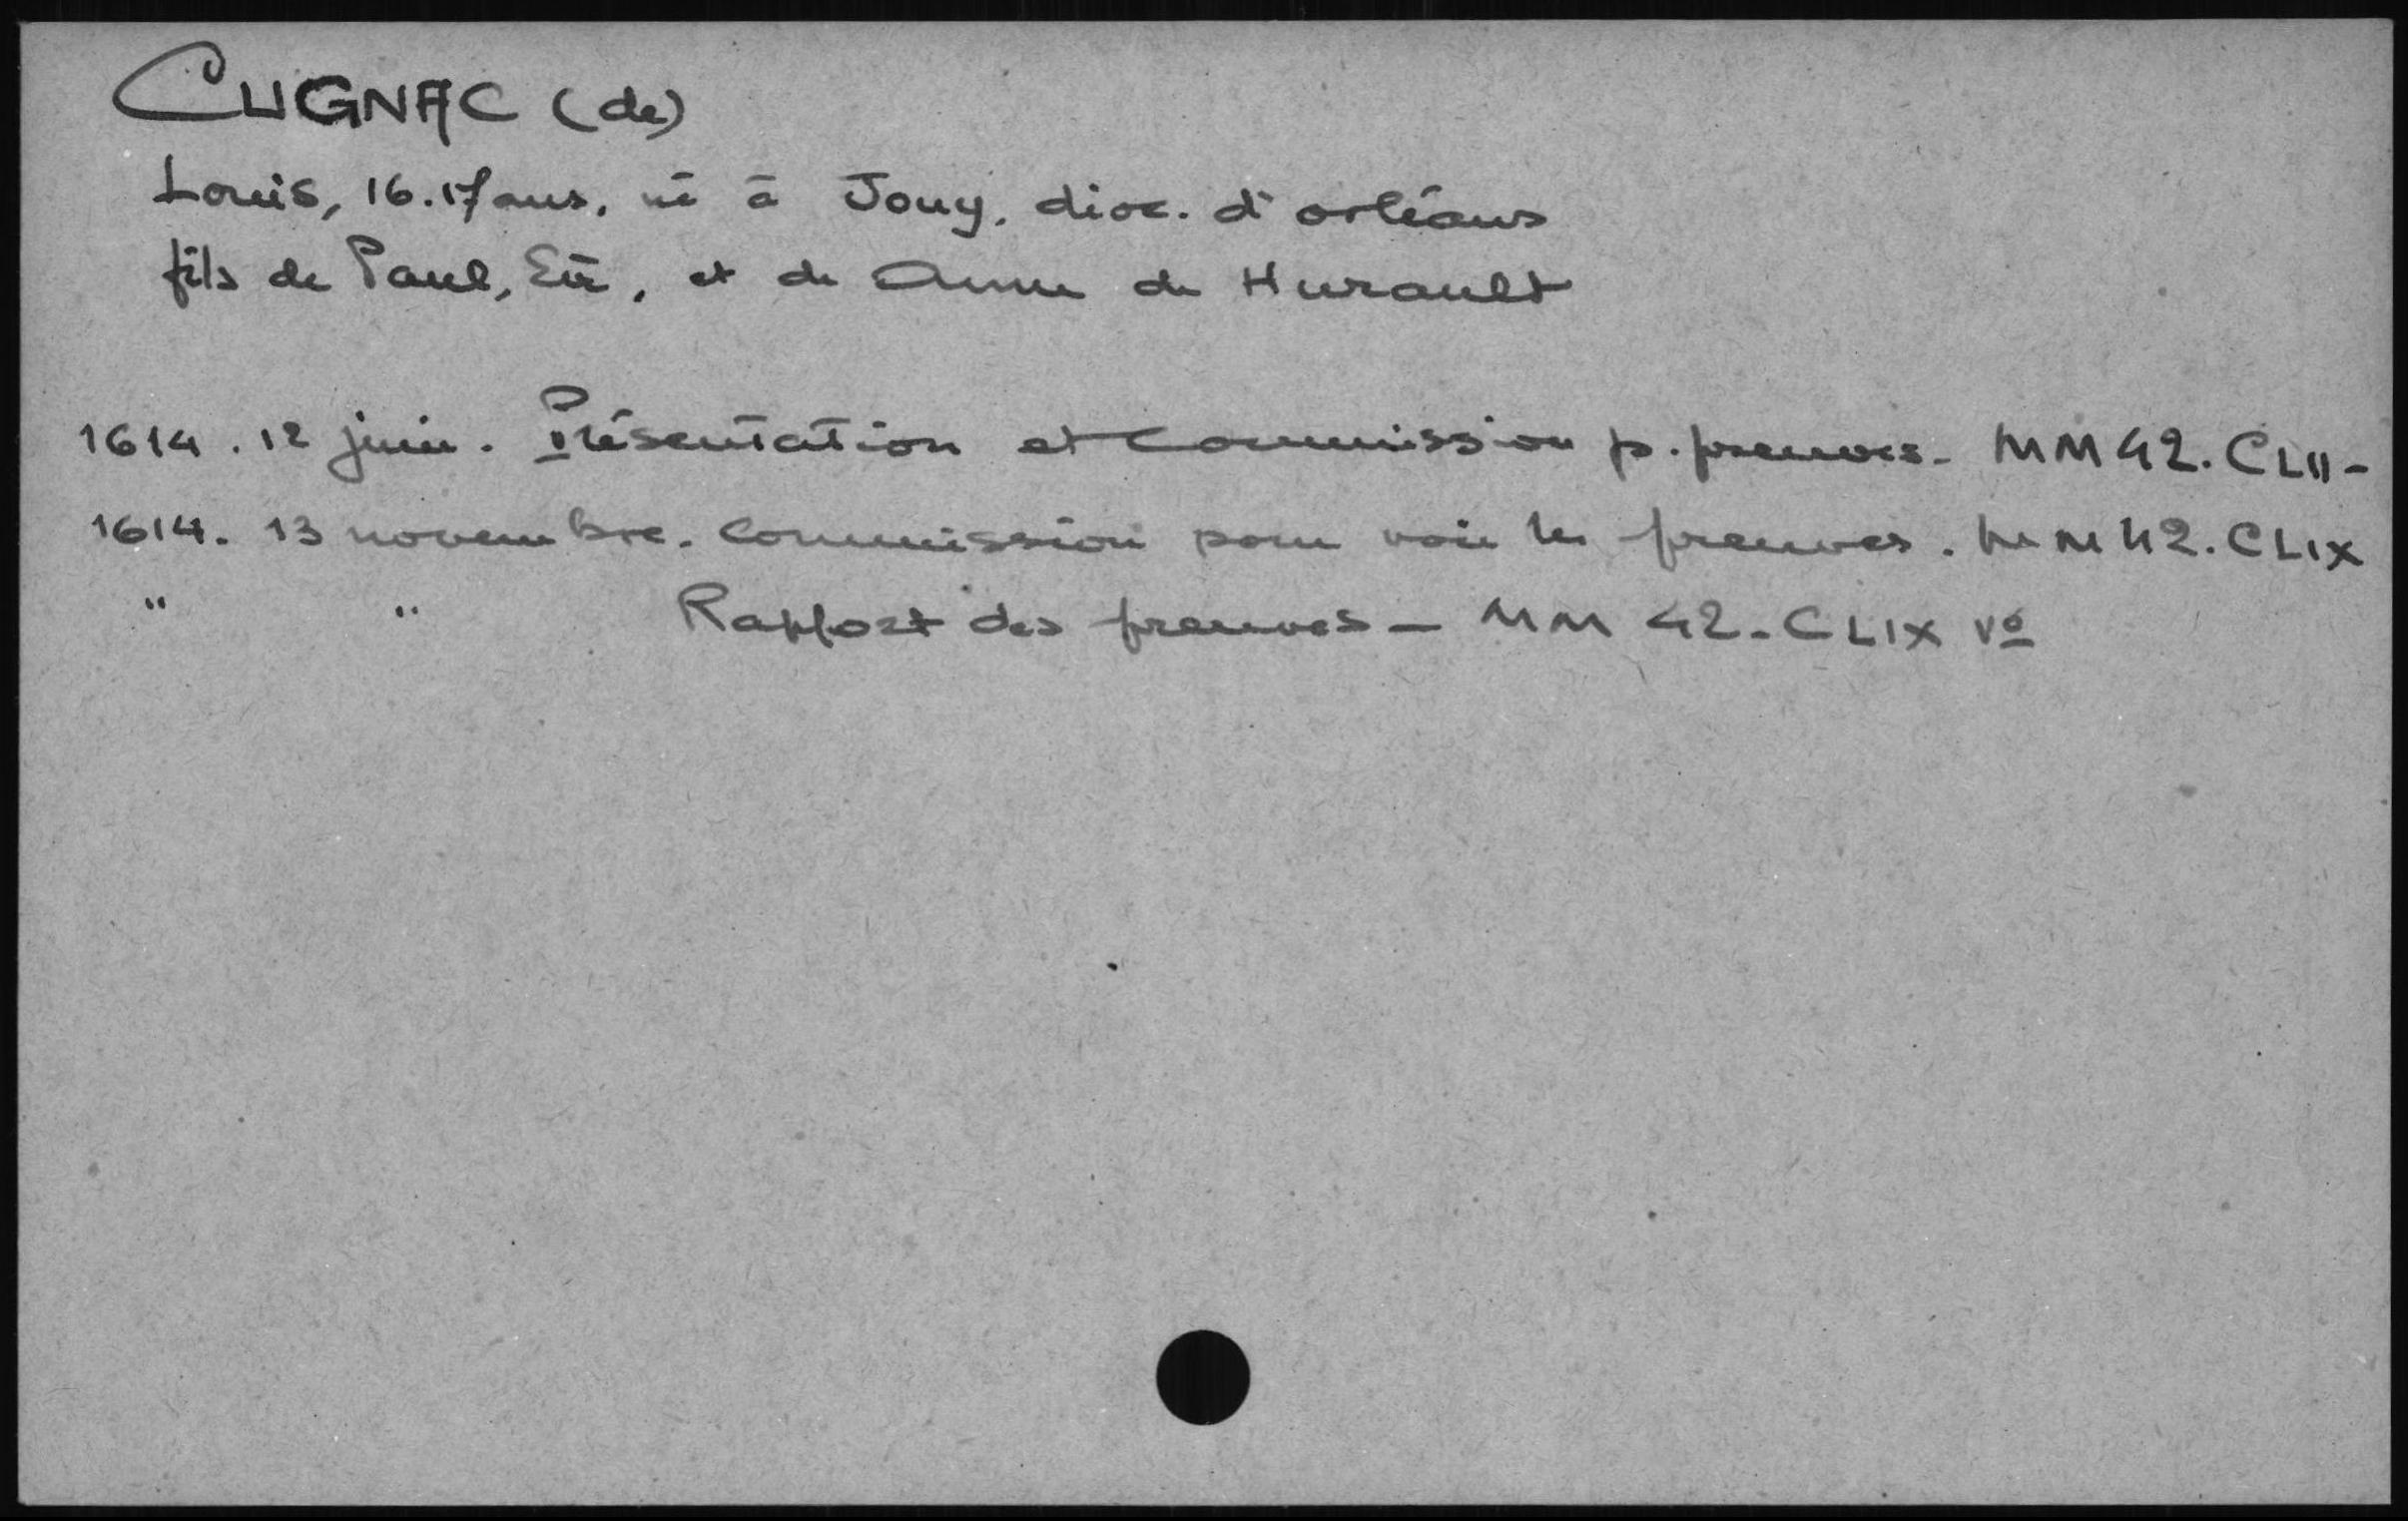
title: CUGNAC (de) Louis, 16-17 ans, né à Jouy, diocèse d'Orléans fils de Paul, écuyer, et de Anne de Hurault
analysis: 1614, 12 juin. Présentation et commission pour preuves. MM 42, LCII. 1614, 13 novembre. Commission pour voir les preuves. MM 42, CLIX " " Rapport des preuves. MM 42, CLIXv
